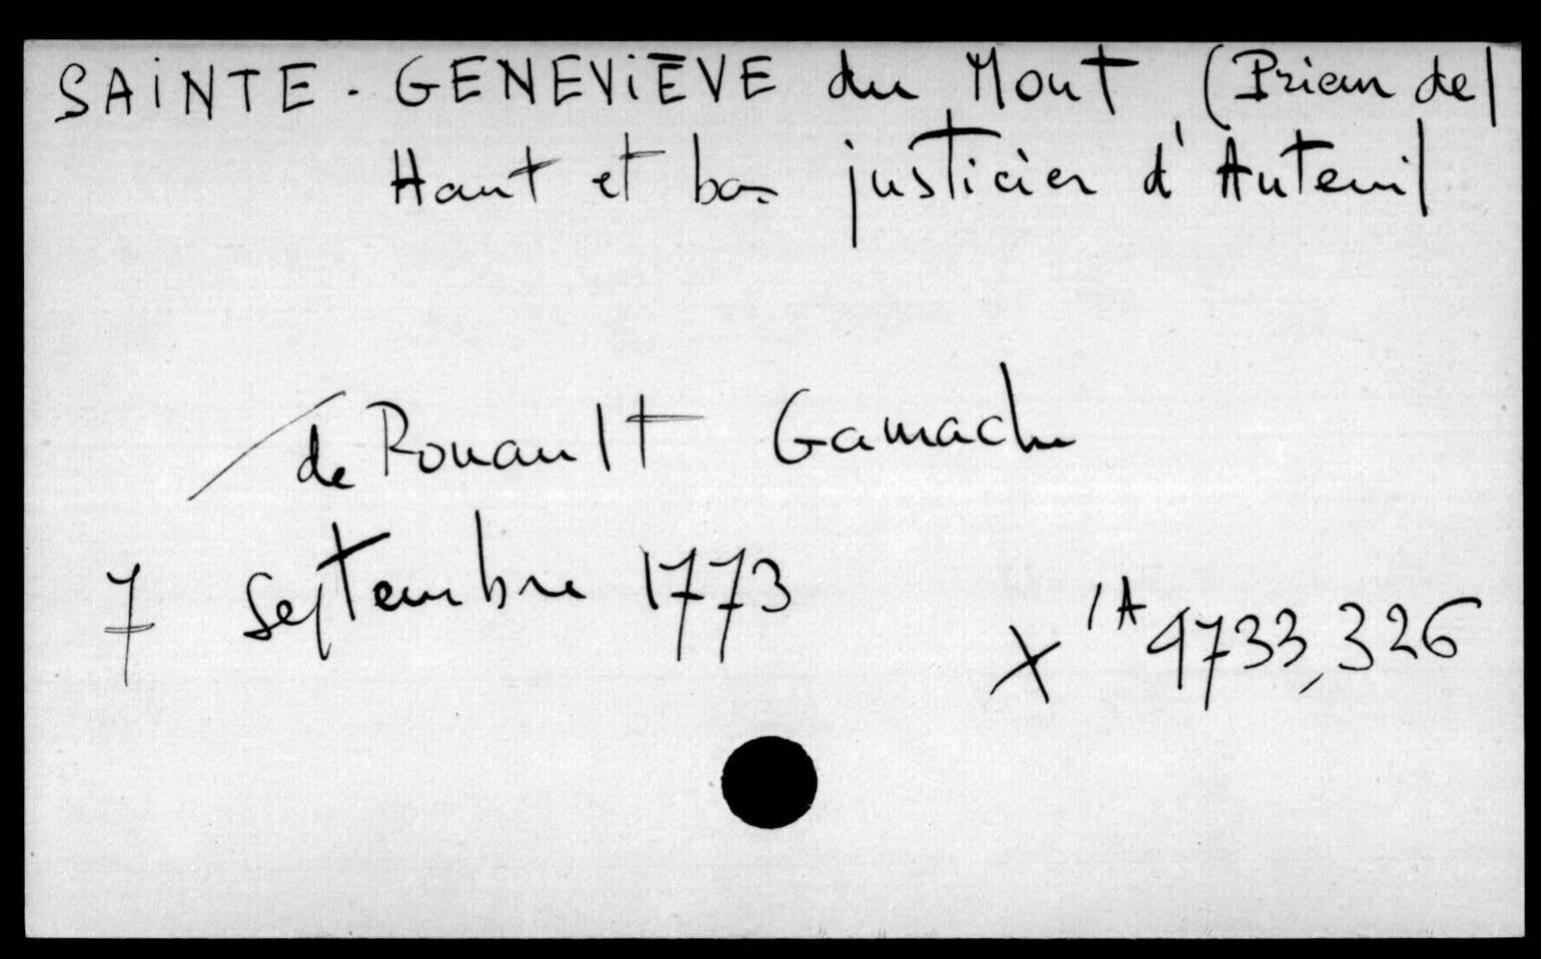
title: SAINTE-GENEVIÈVE du Mont (Prieur de) Haut et bas justicier d'Auteuil
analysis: Contre de Rouault Gamache
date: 7 septembre 1773
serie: X1A
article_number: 4733
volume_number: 326
